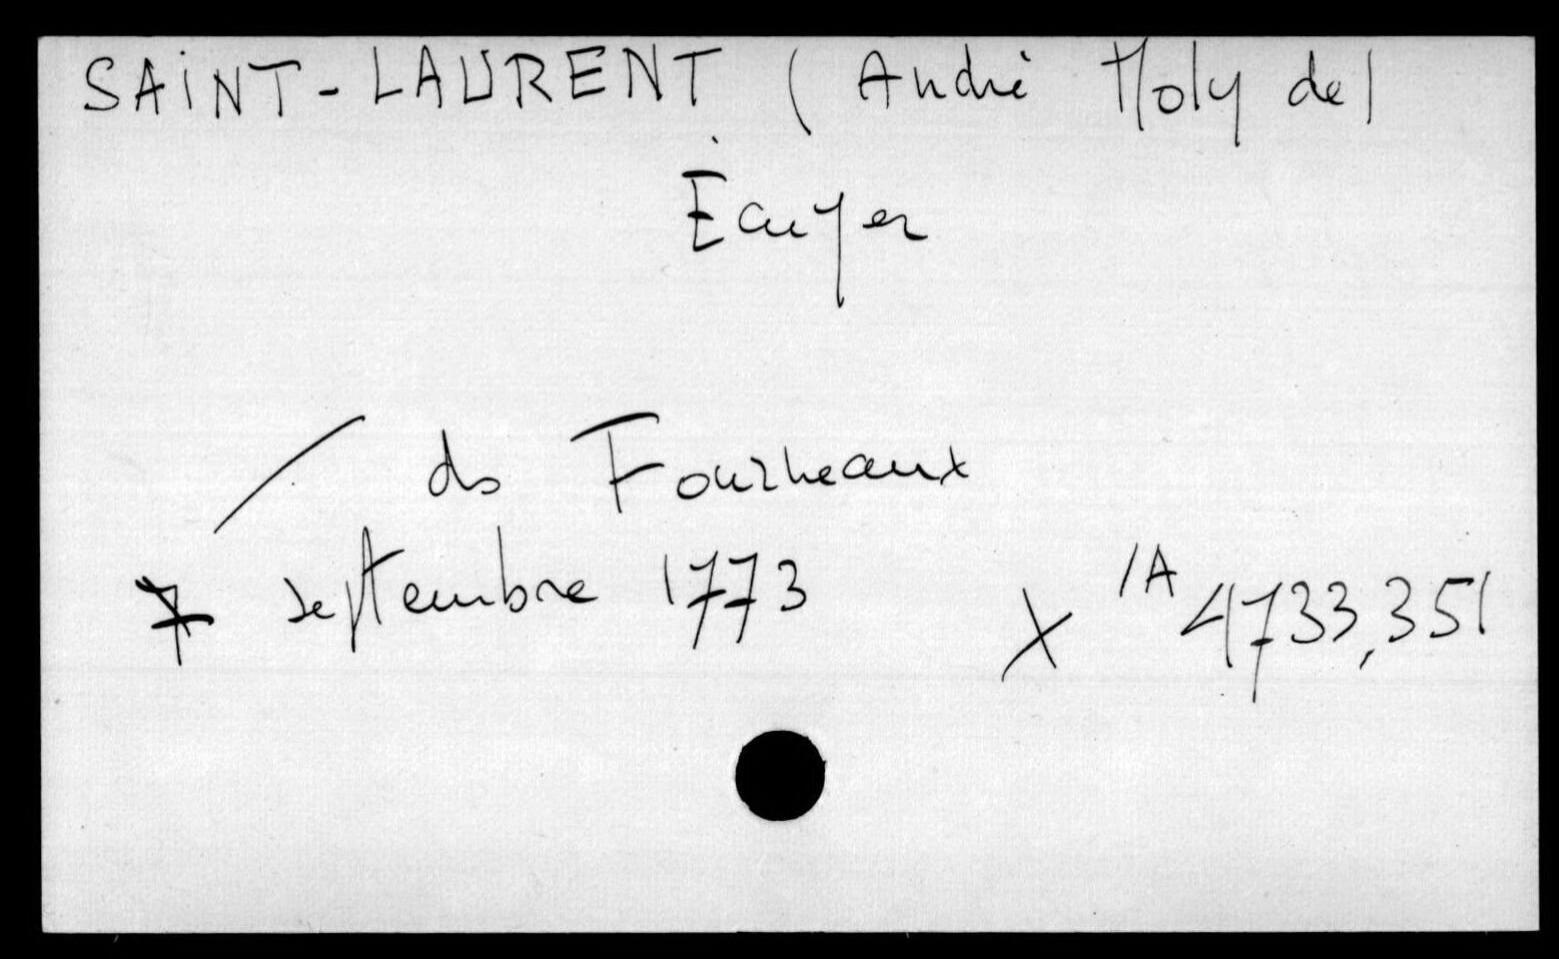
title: SAINT-LAURENT (André Moly de) Écuyer
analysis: Contre des Fourneaux
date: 7 septembre 1773
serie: X1A
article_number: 4733
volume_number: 351
